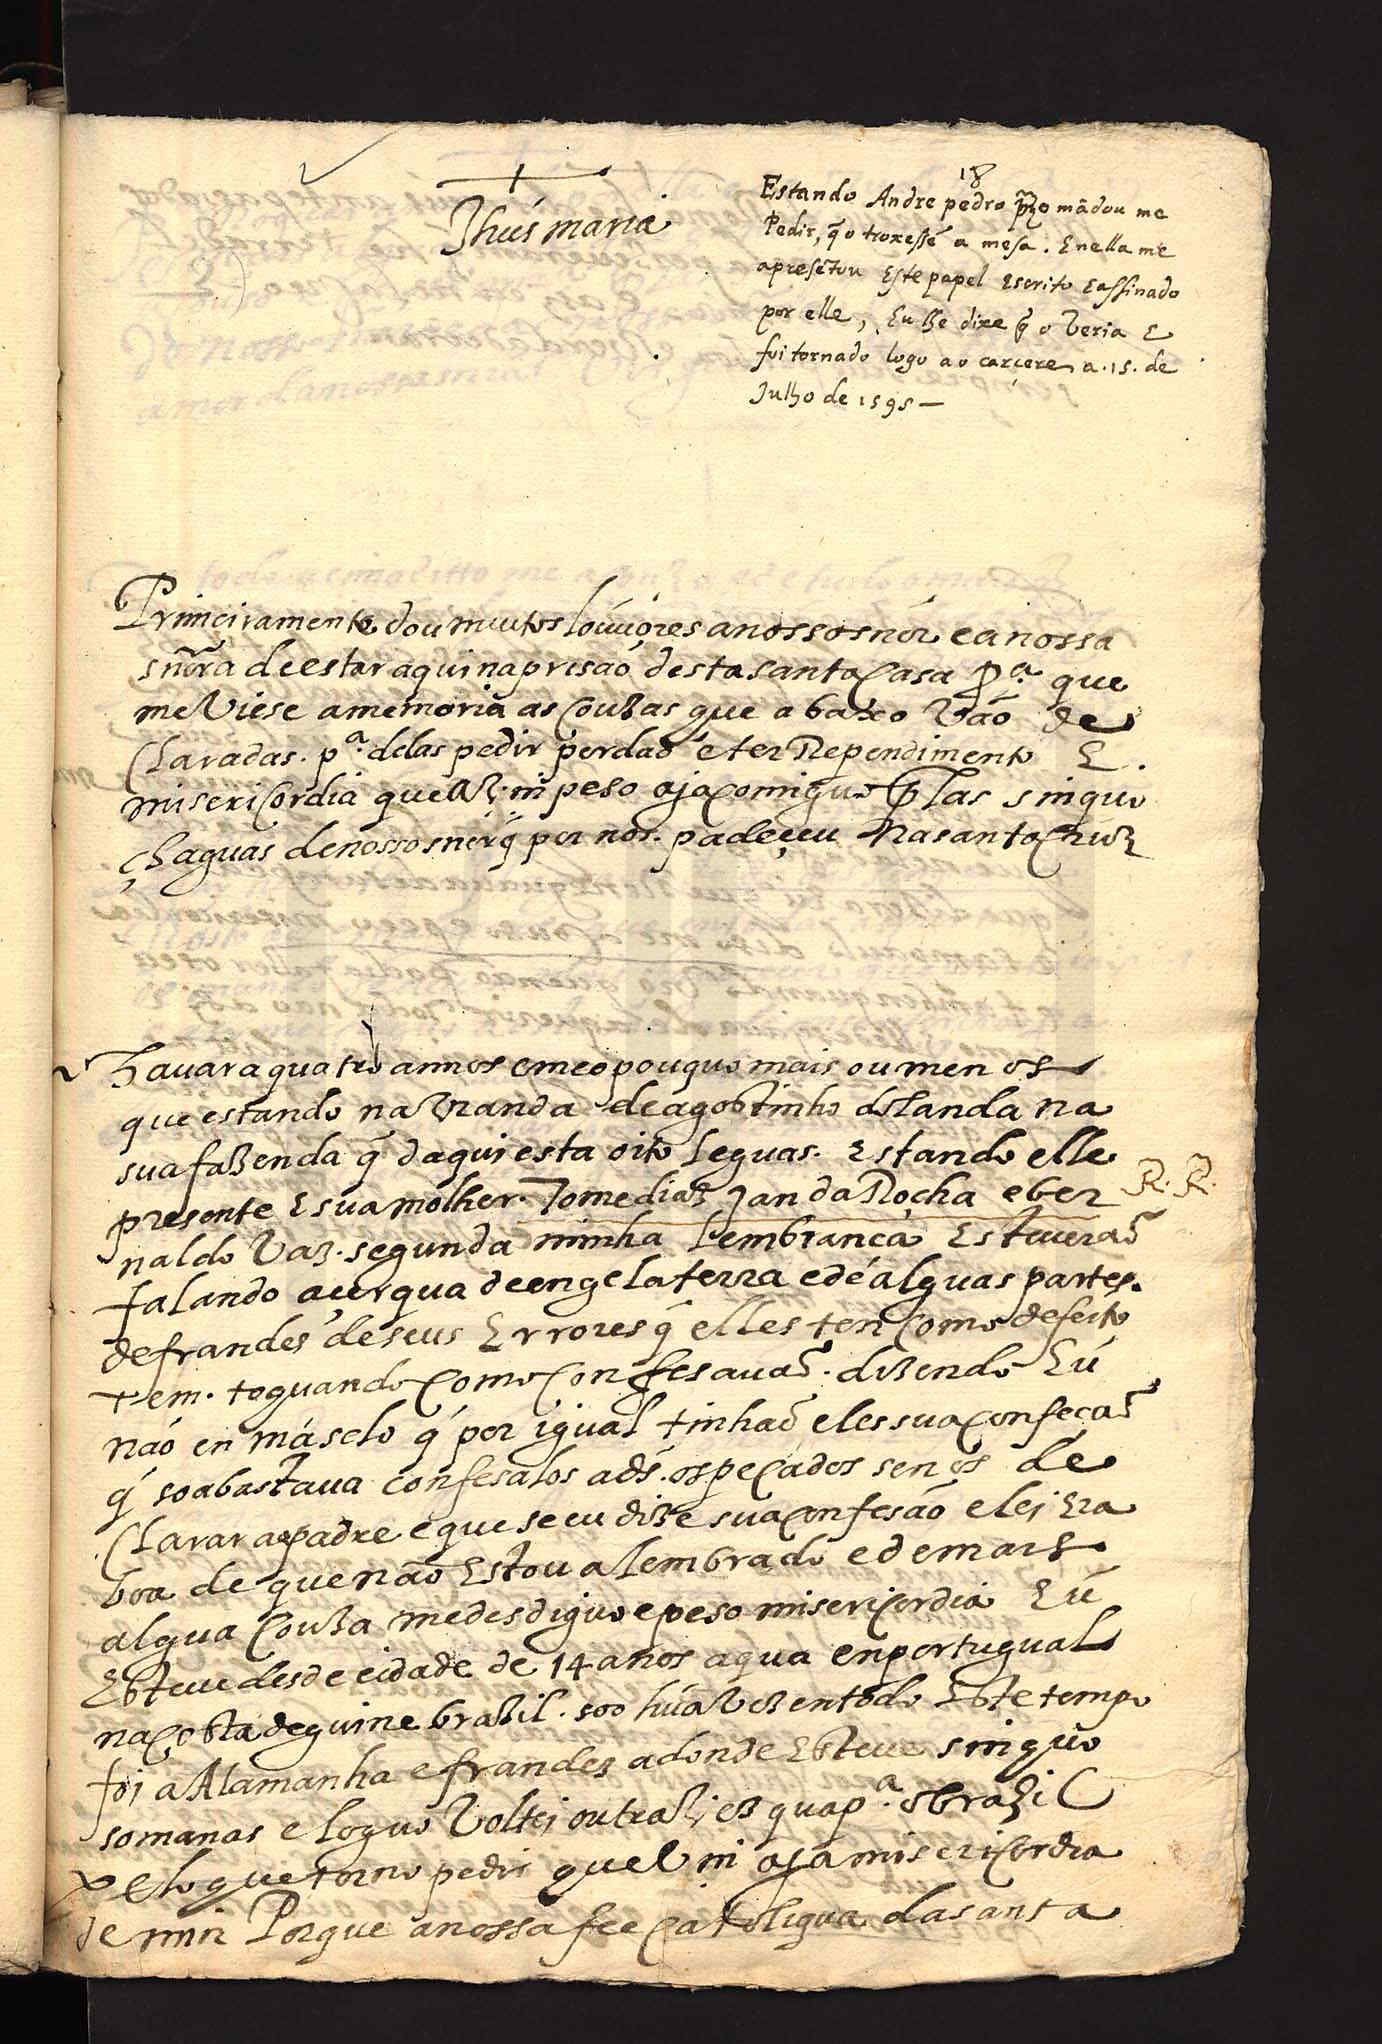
Estando Andre pedro p̄zo mādou me
Jhus̄ maria
Pedir, q̄ o troxessē a mesa e nella me
apresētou Este papel Escrito e assinado
por elle, Eu lhe dixe q̄ o veria E
foi tornado logo ao carçere a .15. de
Julho de 1595
Primeiramente dou muitos louuores a nosso snōr e a nossa
sn̄ora de estar aqui na prisaõ desta santa Casa ꝓ.a que
me viese a memoria as Couzas que abaxo vão de
Claradas .pa. delas pedir perdaõ e ter Rependimento E
misericordia que a Vm peso aja Comiguo p̄las simquo
çhaguas de nosso snor̄ q̄ por nos. padeçeu na santa Cruz
hauara quatro annos e meo pouquo mais ou menos
que estando na vranda de agostinho dolanda na
sua fazenda q̄ daqui esta oito leguas. Estando elle
presente E sua molher. Tome dias Jan da Roçha e ber
naldo Vaz. segunda minha lembrança Esteueraõ
falando açerqua de engelaterra e de alguas partes
de frandes de seus Errores q̄ elles ten Como defeito
tem. toquando Como Confesauaõ. dizendo hū
naõ en māselo q̄ por igual tinhaõ eles sua Confeçaõ
q̄ so abastaua confesalos a ds̄. os peCados sen os de
Clarar ao padre e que se eu dize sua Confesão e Lei Era
boa de que não Estou alembrado e de mais
algua Couza me desdiguo e peso misericordia Eū
Esteue desde eidade de 14 anos aqua en portuguaL
na Costa de guine brazil. soo hūa vez en todo Este tempo
foi a Alamanha e frandes adonde Esteue sinquo
somanas e loguo Voltei outra Vez qua pa. o brazil
pelo que torno pedir que Vm. aja miseriCordia
de min Porque a nossa fee Catoliqua da santa
